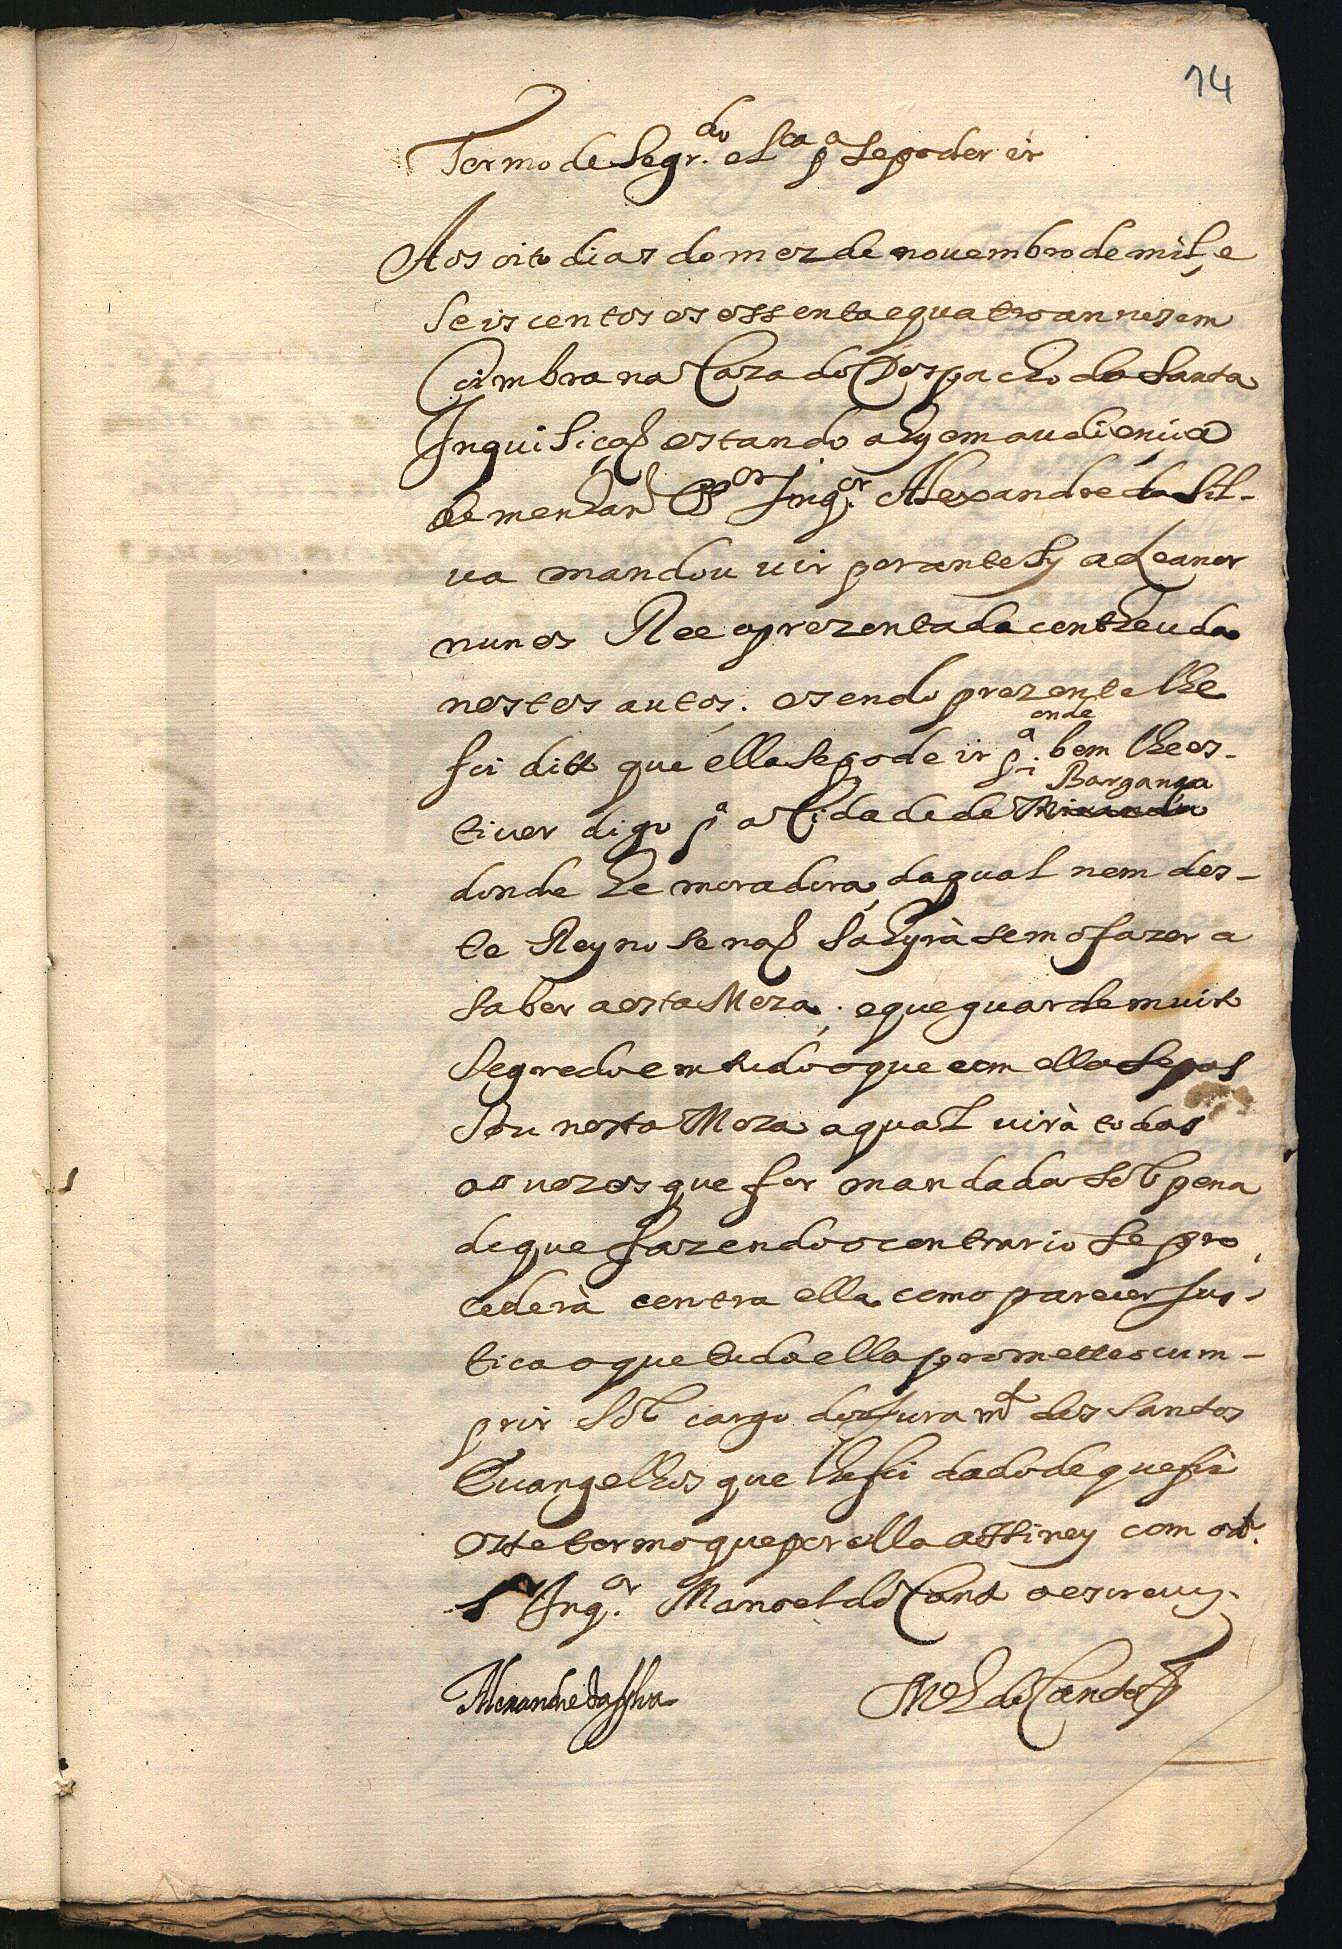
Termo de Segr.do e Lca pa se poder ir
Aos oito dias do mez de nouembro de mil, e
seiscentos e sessenta e quatro annos em
Coimbra na Caza do Despacho da Santa
Jnquisiçaõ estando ahy em audiencia
de menham O Sor Jnq.or Alexandre da Sil
ua mandou uir perante sy a Leanor
nunes Ree aprezentada contheuda
nestes autos; e sendo prezente lhe
foi ditto que ella se pode ir p.a
onde
bem lhe es
tiuer digo p.a a Cidade de Miranda
Bargança
donde he moradora, da qual nem des
te Reyno se naõ sahyrà sem o fazer a
saber a esta Meza; e que guarda muito
Segredo em tudo o que com ella se pas
sou nesta Meza a qual uirà todas
as uezes que for mandada sob pena
de que fazendo o contrario se pro
cederà contra ella como parecer Jus
tiça o que tudo ella prometteo cum
prir sob cargo do Juramto dos Santos
Euangelhos que lhe foi dado de que fiz
este termo que por ella assiney com o d.o
S.or Jnq.or Manoel do Canto o escreui
Mel do Canto
Alexandre da Sylva
